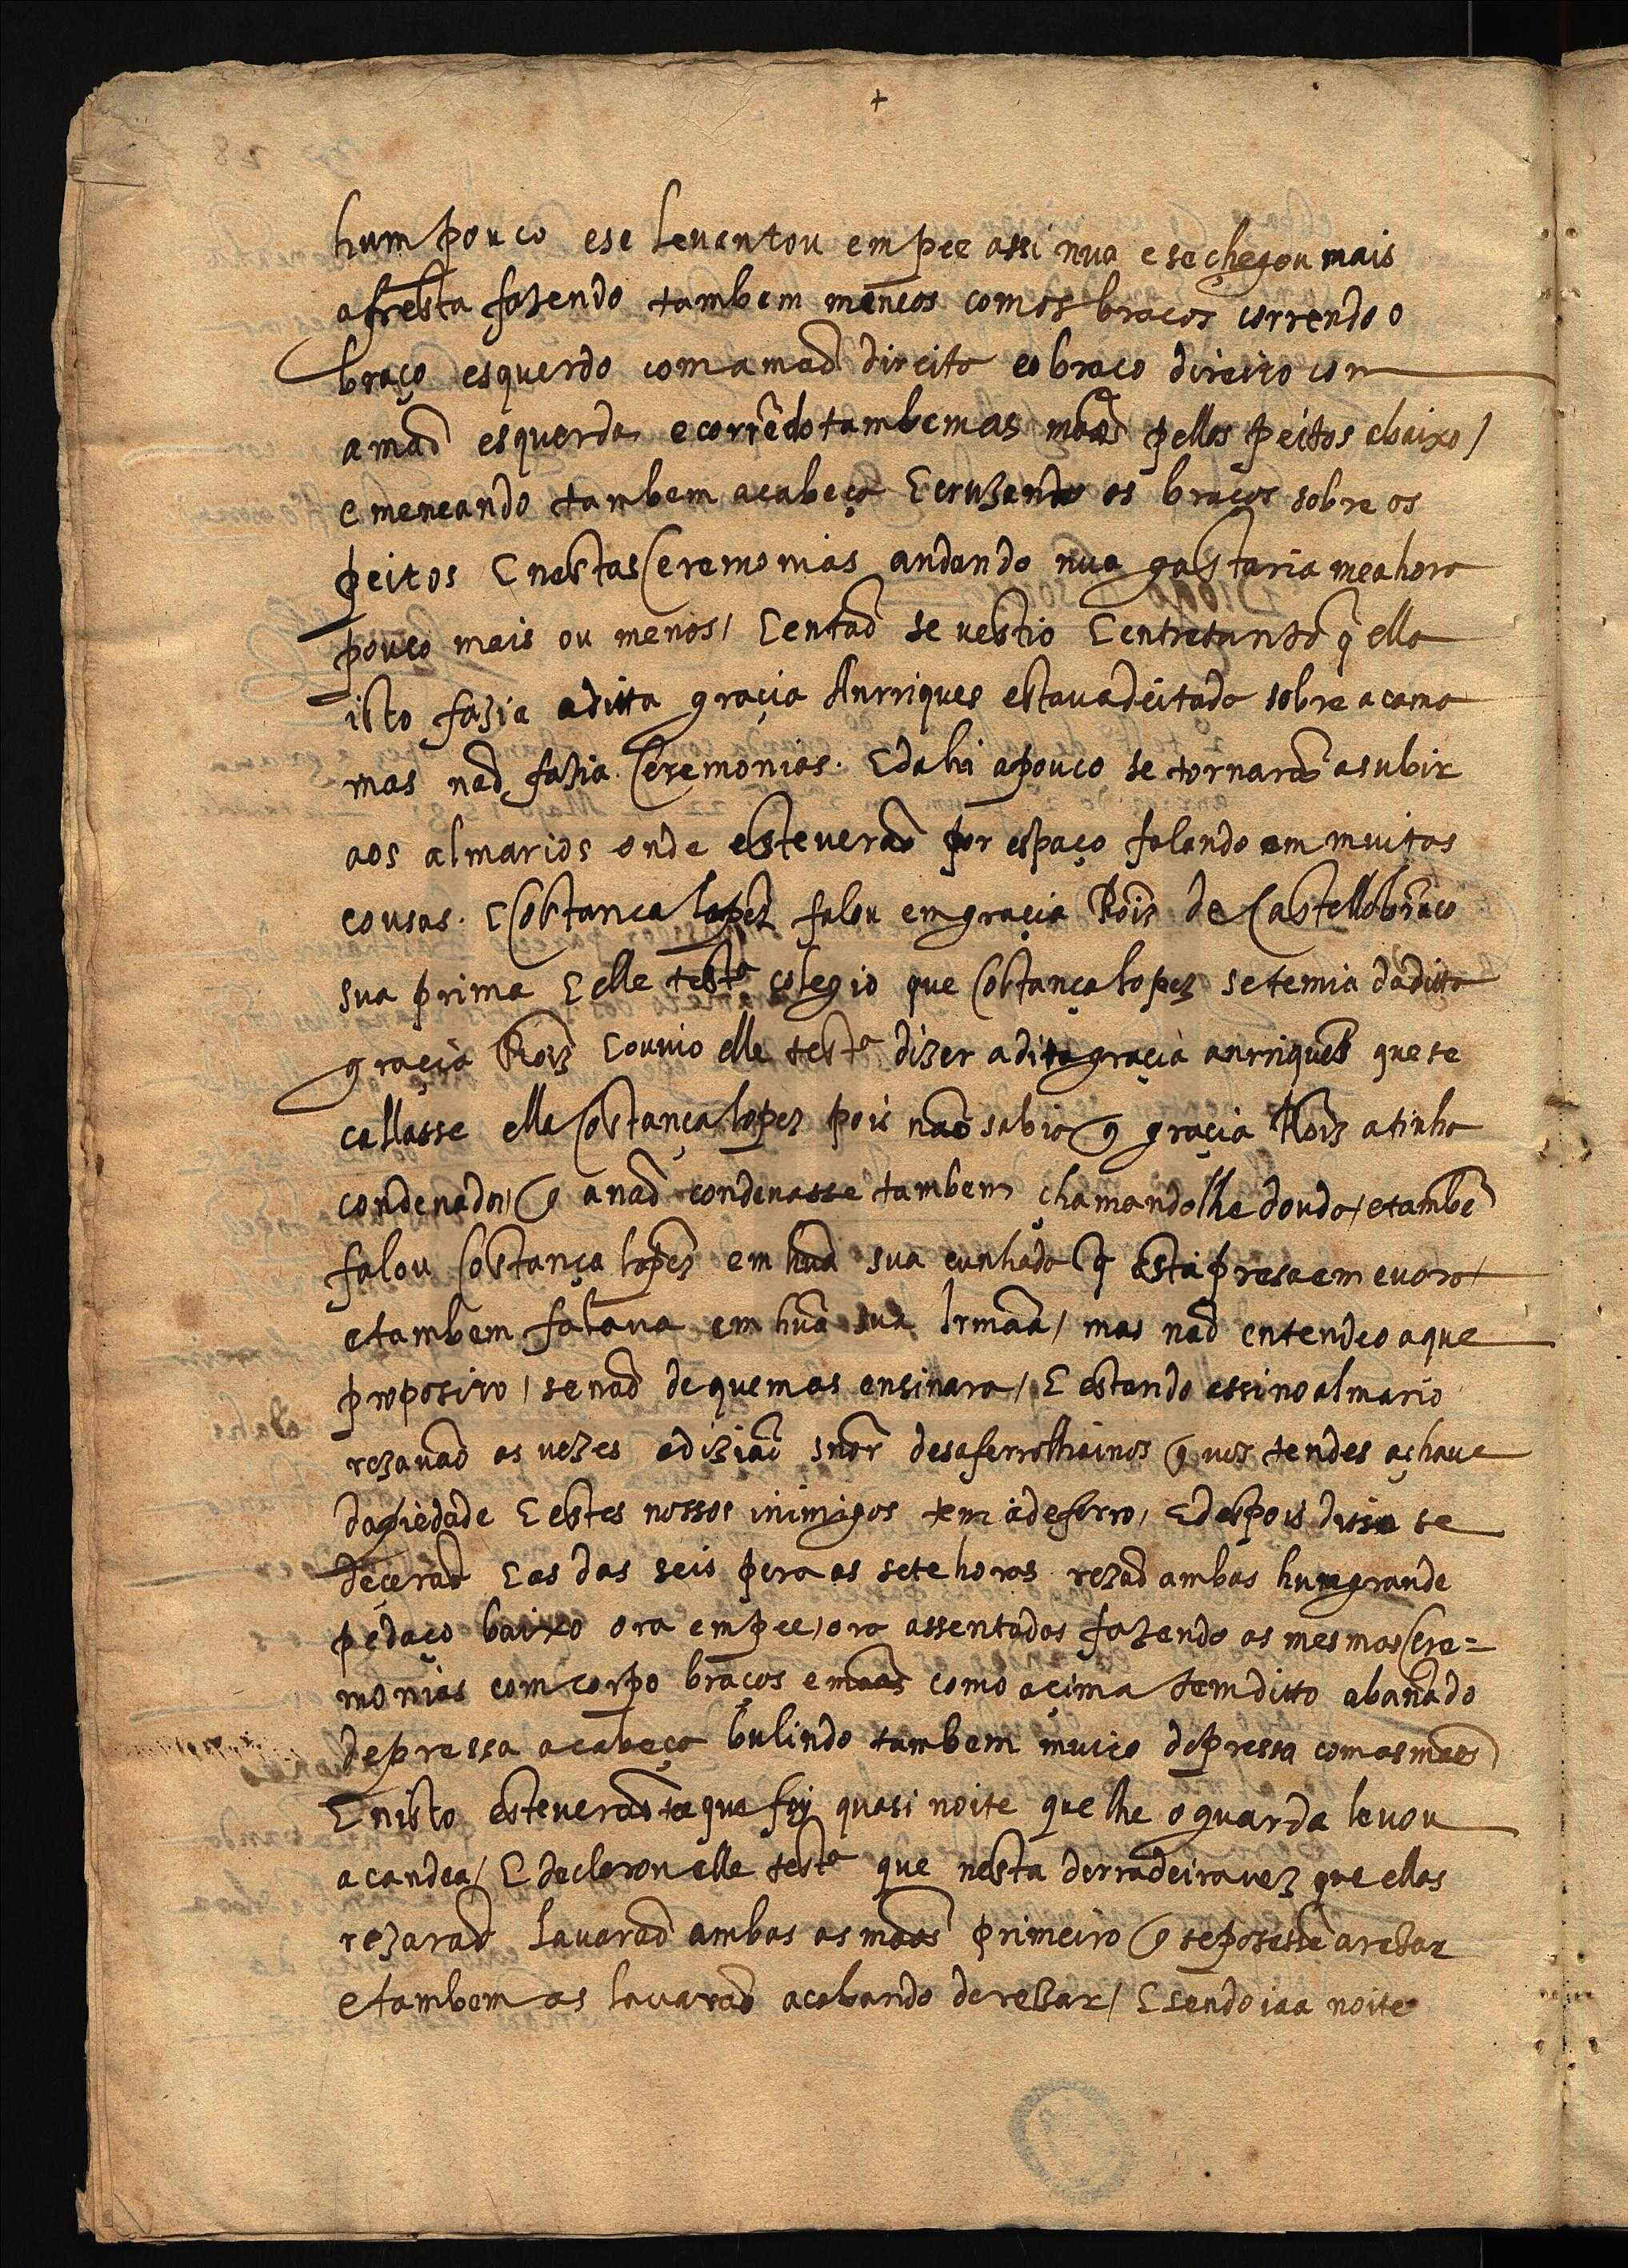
hum pouco e se Leuantou em pee assi nua e se chegou mais
a fresta fazendo também meneos com os bracos correndo o
braço esquerdo com a maõ direita e o braco direito com
a maõ esquerda e corrēdo tambem as mãos pellos peitos abaixo /
e meneando tambem a cabeça E cruzando os braços sobre os
peitos E nestas Ceremonias andando nua gastaria mea hora
pouco mais ou menos / E então se uestio e entretanto q̄ ella
isto fazia a ditta graçia Anrriques estaua deitada sobre a cama
mas não fazia Ceremonias. E dahi a pouco se tornarão a subir
aos almarios onde esteuerão por espaço falando em muitas
cousas. E Costanca lopez̄ falou em graçia Roīz de Castello brāco
sua prima E elle testa colegio que Costança lopez se remia da ditta
graçia Rōiz E ouuio elle testa dizer a dita graçia anrriquēz que se
callasse ella Costança lopez pois não sabia q̄ graçia Rōiz a tinha
condenado q̄ a não condenasse tambem chamandolhe douda / e tambē
falou Costança lop̄ez em huā sua cunhada q̄ esta presa em euora
e tambem falaua em huā sua Irmāa / mas não entendeo a que
proposito / se não de quem as ensinara / E estando assi no almario
rezauão as uezes e dizião snōr desaferrolhainos q̄ uos tendes a chaue
da piedade E estes nossos inimigos tem a de ferro / E despois disso se
deçerão E as das seis pera as sete horas rezão ambas hum grande
pedaço baixo ora em pee / ora assentadas fazendo as mesmas Cere
monias com corpo braços e mãos como açima tem ditto abanādo
depressa a cabeça bulindo tambem muito depressa com as mãos
E nisto esteuerão tee que foy quasi noite que lhe o guarda leuou
a candea / E declarou elle testa que nesta derradeira uez que ellas
rezaraõ Lauarão ambas as mãos primeiro q̄ se posessē a rezar
e tambem as lauarão acabando de rezar / E sendo iaa noite
